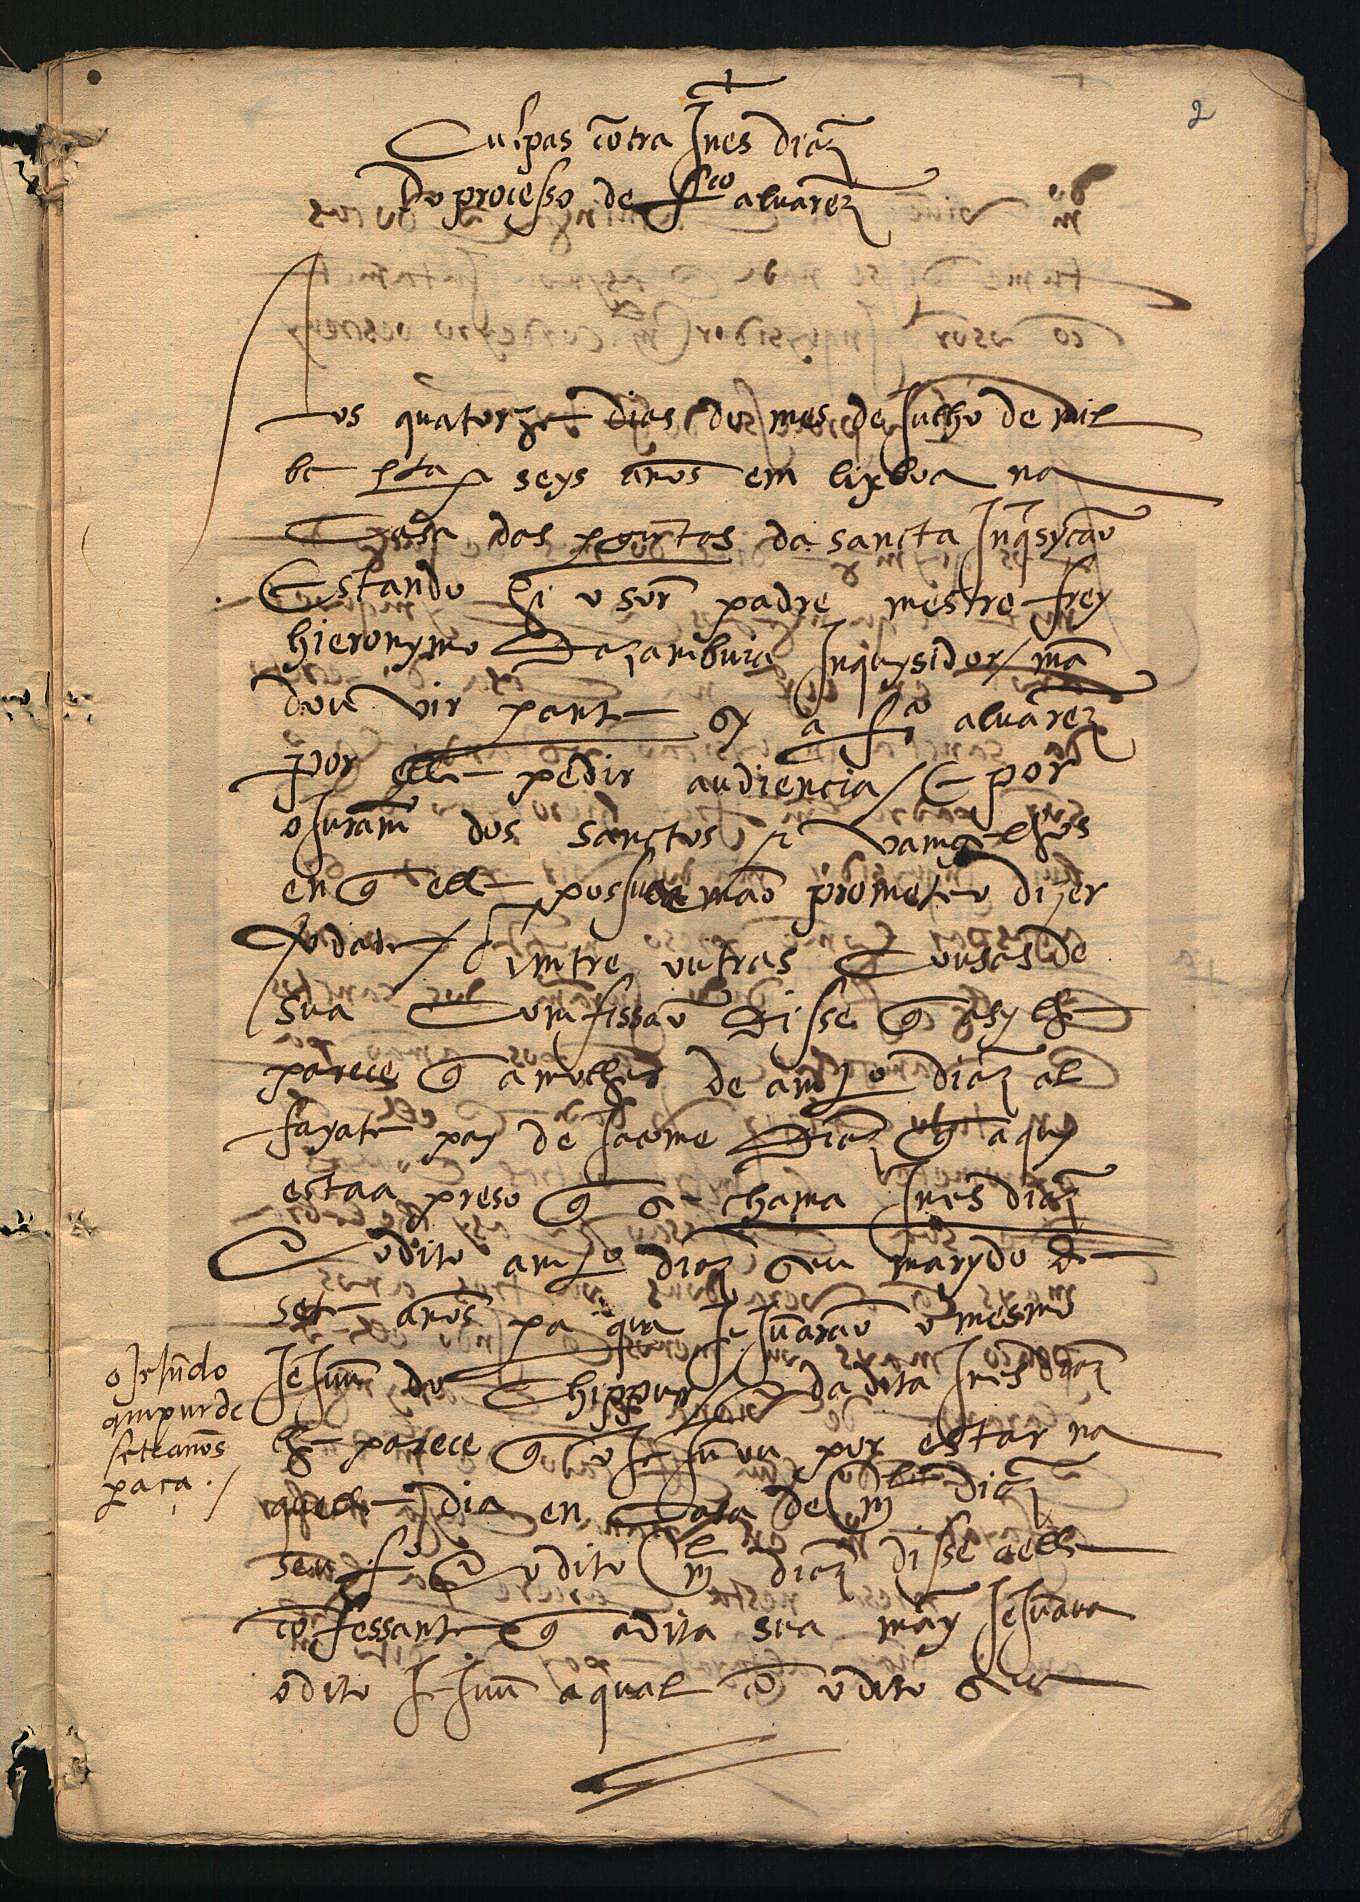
o JeJū do
quipur de
sete anōs
ꝑa ça.
Culpas cōtra Jnes diaz
Do processo de fco aluarez
Aos quatorze dias do mes de Julho de mil
bc Lta e seys an̄os em lixboa na
Casa das ꝑgūtas da sancta Jnq̄syção
Estando hi o sor̄ padre mestre frey
hieronymo dazambuia Jnquysidor / mā
dou vir ꝑante sy a frco aluarez
por elle pedir audiencia / E por
o Juramto dos sanctos evamgelhos
en q̄ ele pos sua mão prometeo dizer
ꝟdade / e emtre outras Cousas de
sua Comfissaõ disse q̄ asy lhe
parece q̄ a molher de amto diaz al
fayate pay de Jacome diaz q̄ aquy
estaa preso q̅ se chama Jnes diaz
e o dito amto diaz seu marydo de
sete an̄os ꝑa qua JeJūarão o mesmo
JeJuū do Chippur / e da dita Jnes diaz
he parece q̄ o JeJūou por estar na
quelle dia en Casa de mel diaz
seu fo e o dito mel diaz disse a elle
cōfessante q̅ a dita sua maȳ JeJūaua
o dito JeJuū a quaL c̄o o dito seu
